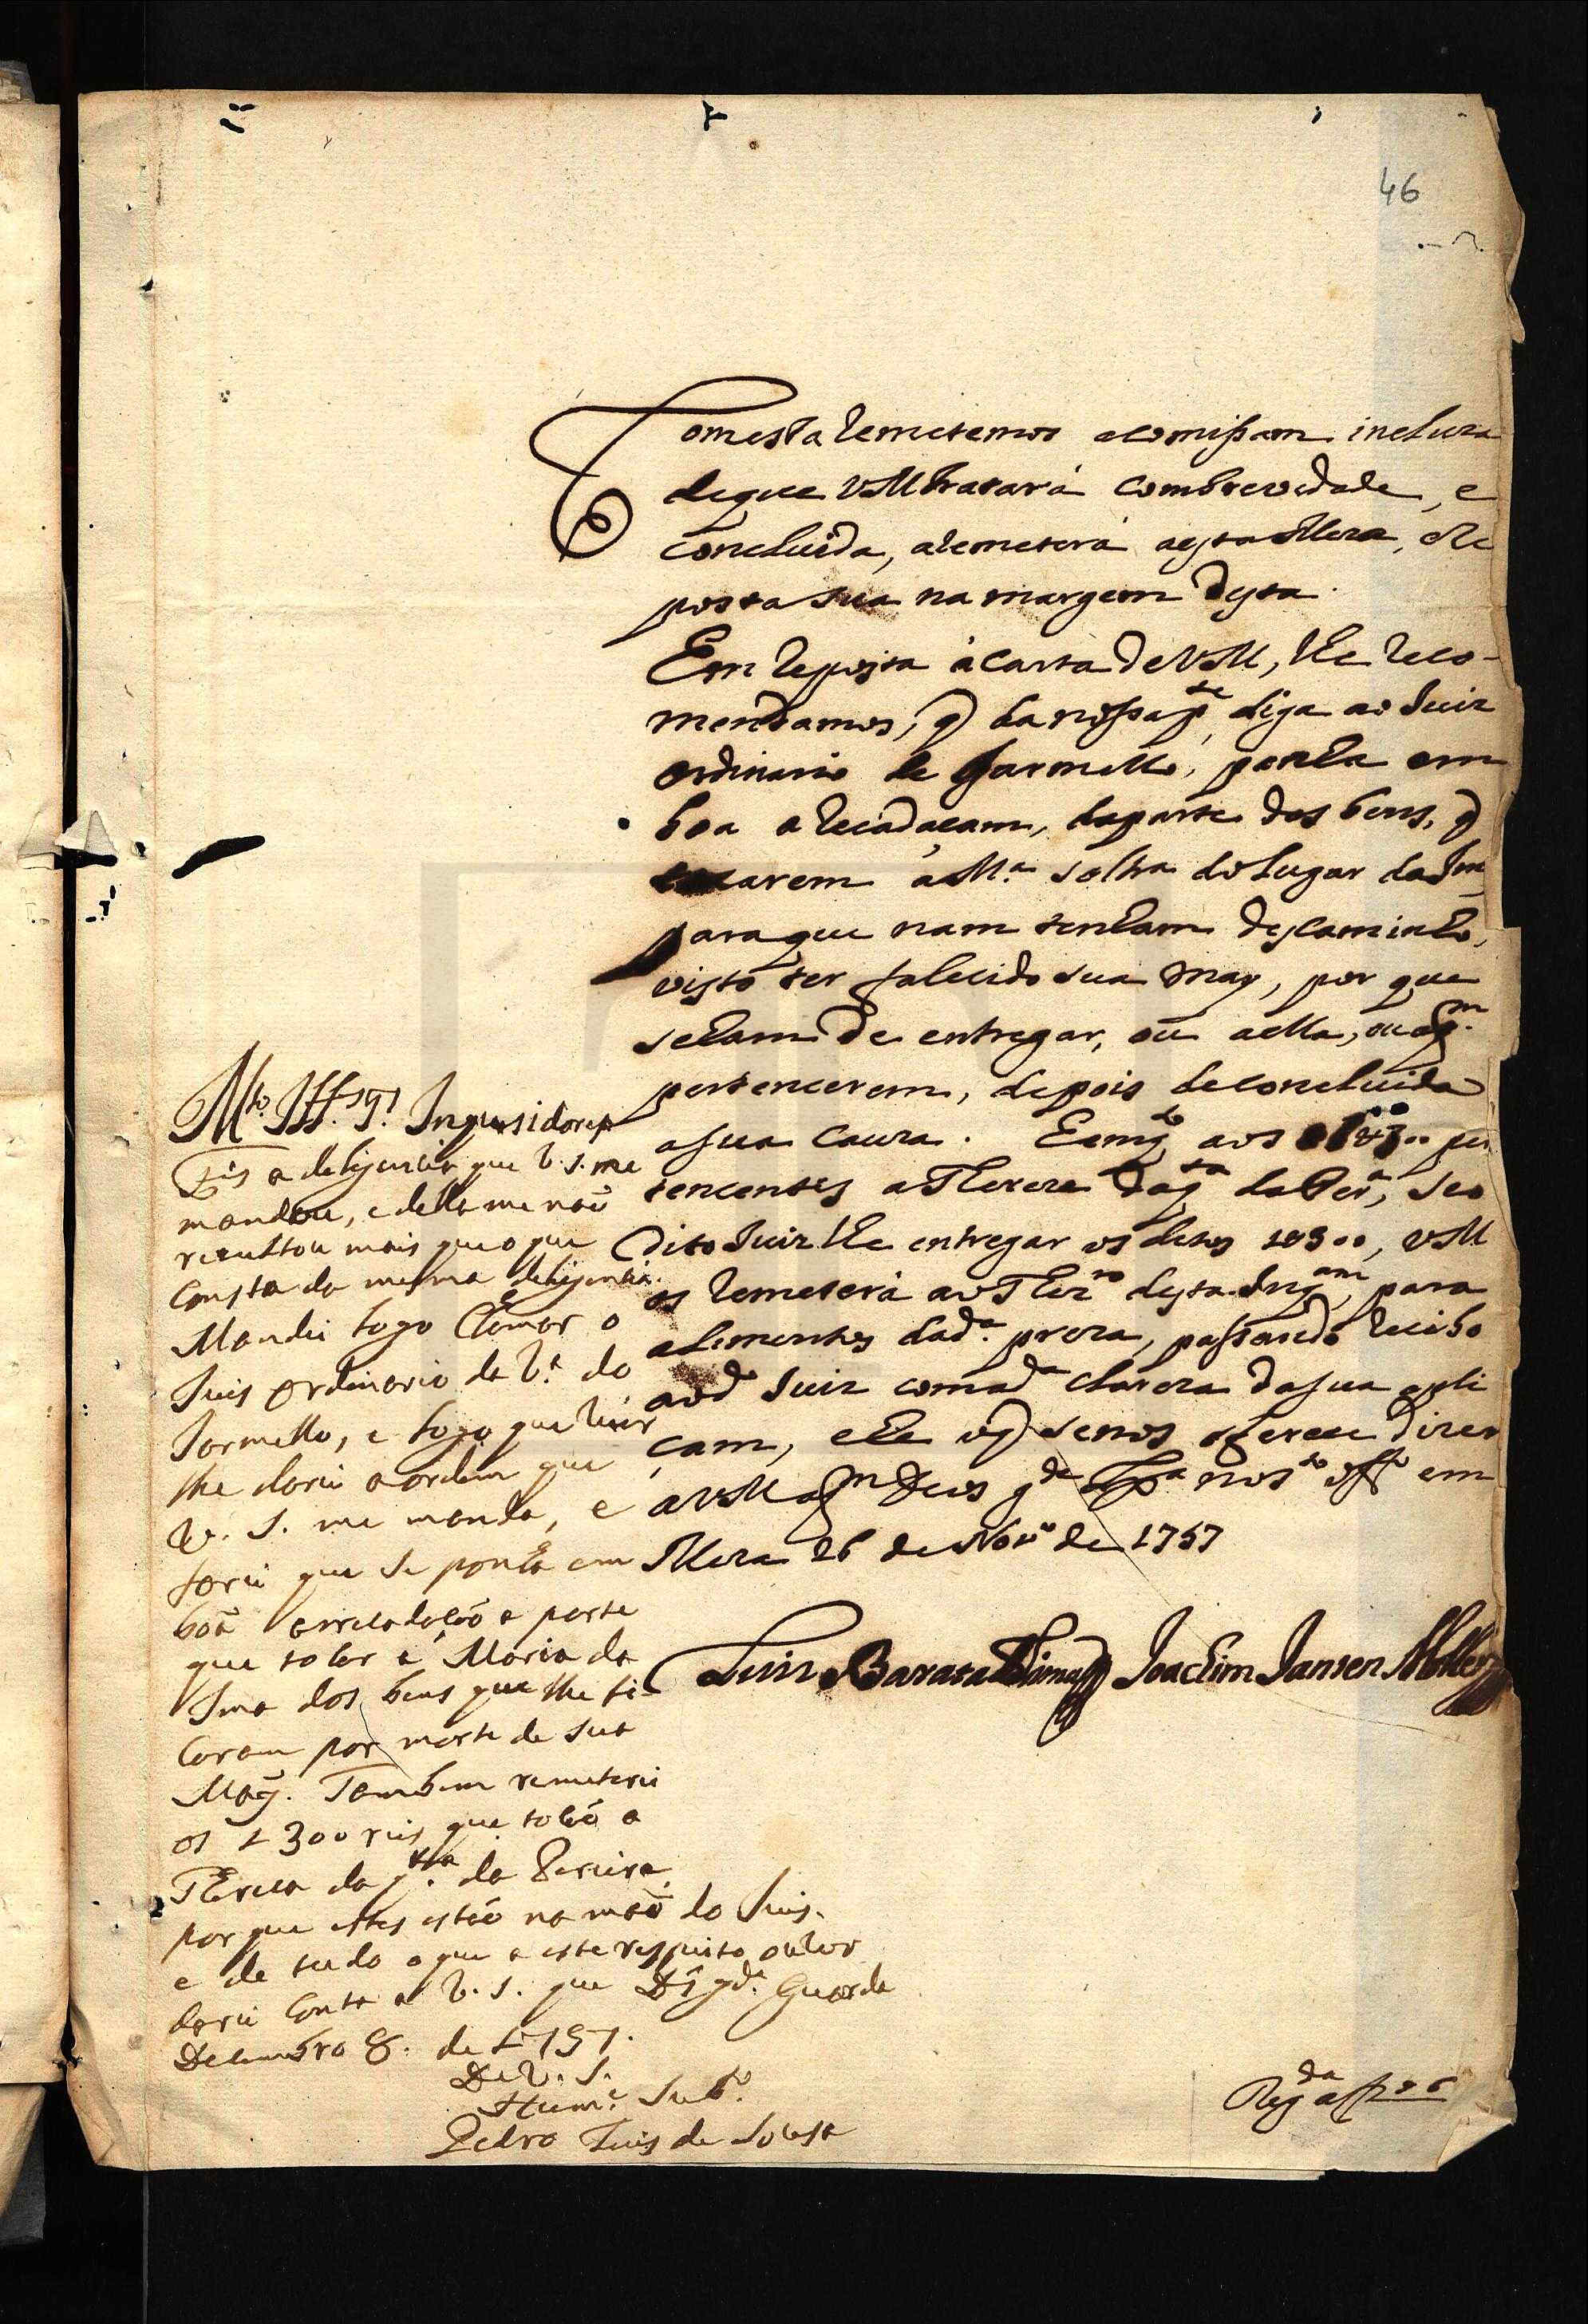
Com esta Remetemos a comissam incluza
de que v M tratará com brevidade, e
concluida, a remetera a esta Meza, e Re
posta sua na margem desta.
Em Reposta á carta de V M, lhe Reco
mendamos, q̄ da nossa pte, diga ao Iuiz
ordinario de Jarmello, ponha em
boa aRecadaçam, da parte dos bens, q̄
t_arem a M.a soltra do Lugar da Im_
para que nam tenham descaminho,
visto ter falecido sua may, por que
se ham de entregar, ou a ella, ou a q.m
pertencerem, depois de concluida
a sua cauza. E emqto aos _$300 per
tencentes a Thereza da q.ta da Pera, se o
dito Iuiz lhe entregar os ditos 1$300, V M.
os Remeterá ao Thezro desta Inqam, para
alimentos da d.a preza, passando recibo
ao do Iuis com a da clareza da sua apli
çam, e he o q̄ se nos oferece dizer
a v M a q̄m Deos g.de Lx.a no sto offo em
Meza 26 de Novo de 1757
M.to Ill.s s.rs Inquisidores
Fis a deligencia que v. s. me
mandou, e della me naõ
rezultou mais que o que
Consta da mesma deligencia.
Mandei logo Chamar o
Iuis Ordinario da V.a do
Iarmello, e logo que vier
lhe darei a ordem que
V. s. me manda, e
farei que se ponha em
boã arrecadaçaõ a parte
que toCar a Maria da
Ima dos bens que lhe fi
Caram por morte de sua
Maȳ. Tambem remeterei
os 1300 reis que tocaõ a
Thereza da q.ta da Pereira
porque estes estaõ na maõ do Iuis
e de tudo o que a este respeito ouver
darei conta a V. s. que Ds̄ gd.e Guarda
Decembro 8. de 1757.
De V. s.
Hum.e sub.o
Regda a f 96
